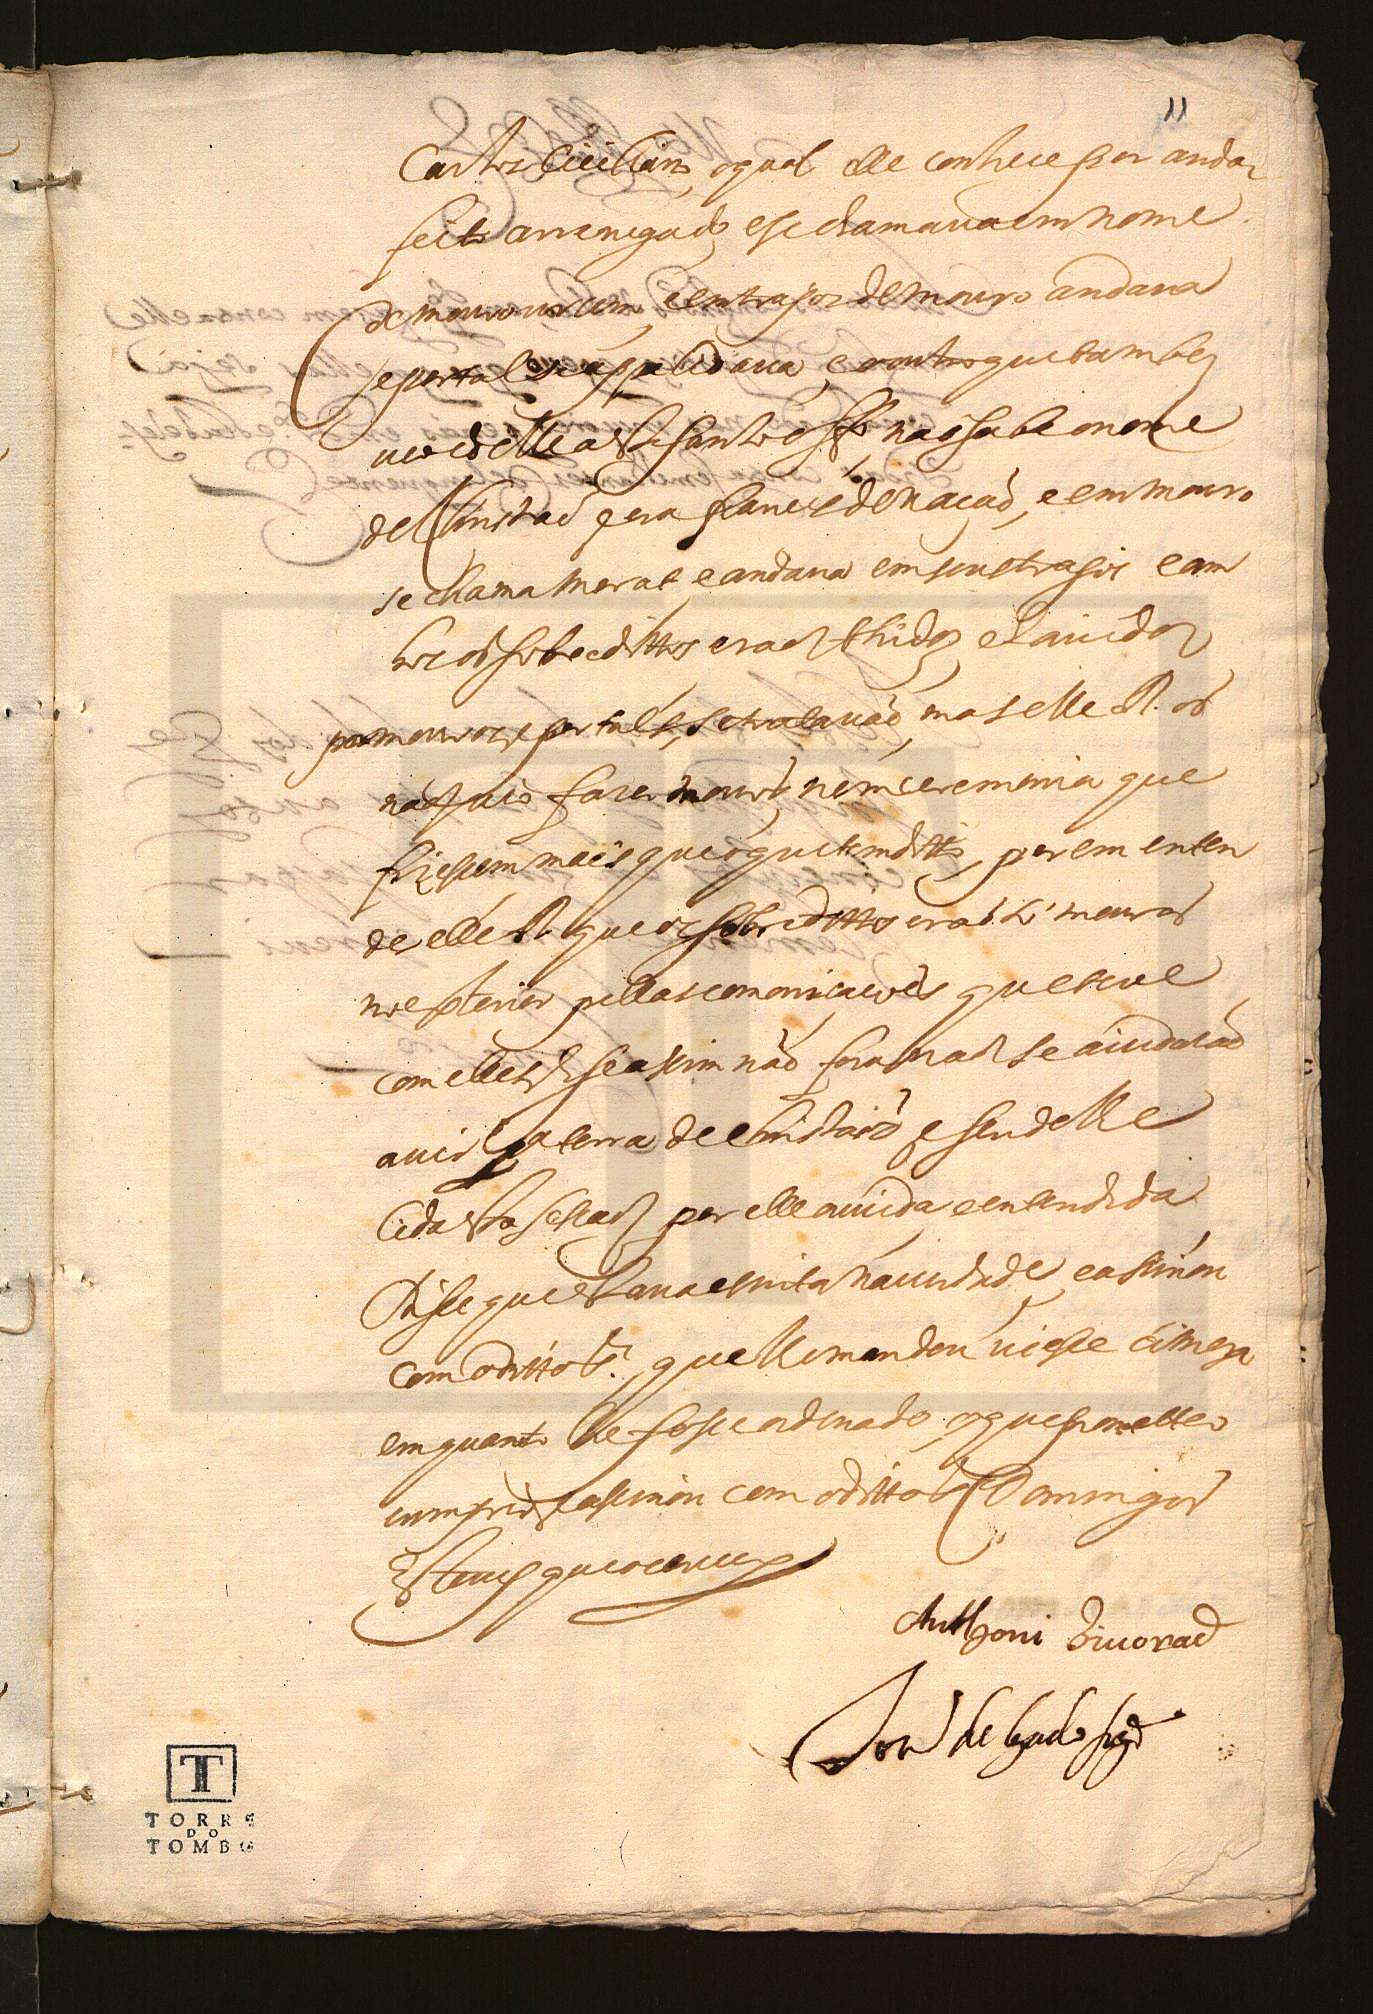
carlos ciciliano, o qual elle conhece por andar
feito arrenegado e se chamaua em nome
de mouro urcem, e em trajos de mouro andaua
e por tal se appelidaua, e o outro que tambē
ueo cō elle a este santo offo naõ sabe o nome
de Christaõ e era frances de naçaõ, e em mouro
se chama morat e andaua em seus trajos e am
bos os sobredittos eraõ thidos e hauidos
por mouros e por taes se tratauaõ mas elle R. os
naõ uio fazer autos, nem ceremonia que
fizessem mais que o que tem ditto, porem enten
de elle R que os sobredittos eraõ só mouros
no exterior pellas comonicaçoẽs que teue
com elles E se assim naõ fora naõ se aiudaraõ
a uir pa terra de christaõs, e sendolhe
lida esta sessaõ por elle ouuida e entendida
Disse que estaua escrita na uerdade, e assinou
com o ditto s.or que lhe mandou uiesse á meza
emquanto lhe fosse ordenado o que prometteo
cumprir e assinou com o ditto sor Domingos
Esteues que o screuy
Anthoni Giuorad
Joā delgado figra
